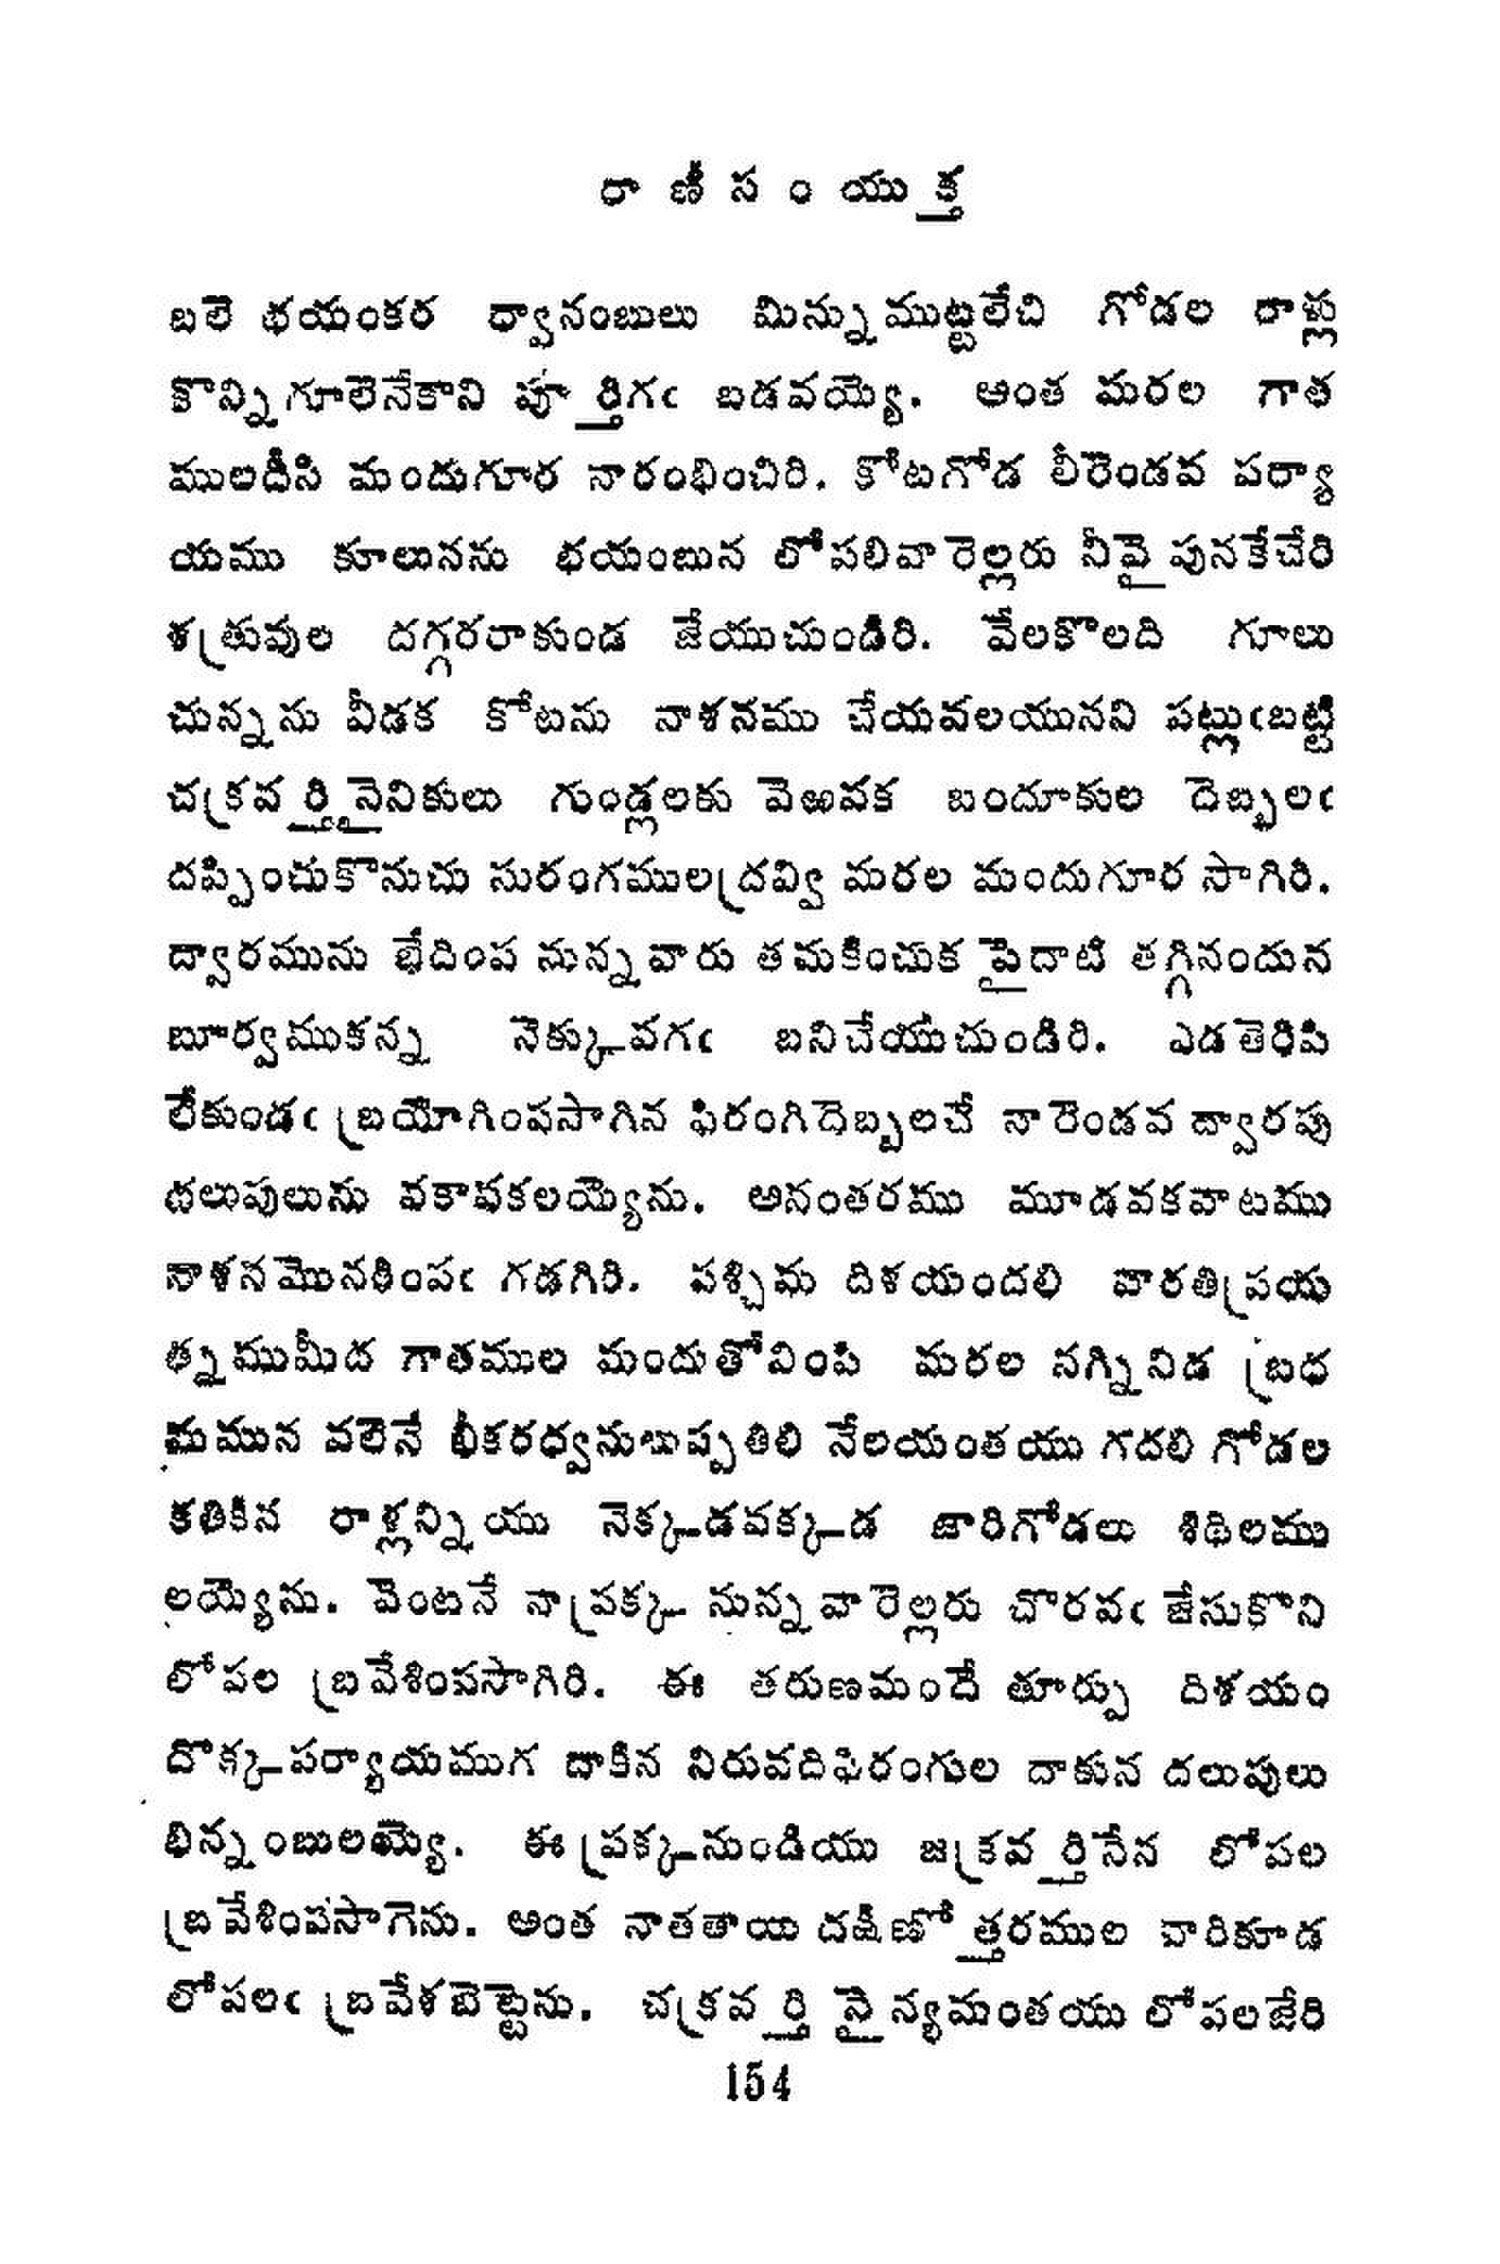బలె భయంకర ధ్వానంబులు మిన్నుముట్టలేచి గోడల రాళ్లు కొన్ని గూలెనేకాని పూర్తిగఁ బడవయ్యె. అంత మరల గాతములదీసి మందుగూర నారంభించిరి. కోటగోడ లీరెండవ పర్యాయము కూలునను భయంబున లోపలివారెల్లరు నీవైపునకేచేరి శత్రువుల దగ్గరరాకుండ జేయుచుండిరి. వేలకొలది గూలు చున్నను వీడక కోటను నాశనము చేయవలయునని పట్టుఁబట్టి చక్రవర్తిసైనికులు గుండ్లలకు వెఱవక బందూకుల దెబ్బలఁ దప్పించుకొనుచు సురంగములద్రవ్వి మరల మందుగూర సాగిరి. ద్వారమును భేదింప నున్న వారు తమకించుక పైదాటి తగ్గినందున బూర్వముకన్న నెక్కువగఁ బనిచేయుచుండిరి. ఎడతెరిపి లేకుండఁ బ్రయోగింపసాగిన ఫిరంగిదెబ్బలచే నారెండవ ద్వారపు దలుపులును వకావకలయ్యెను. అనంతరము మూడవకవాటము నాశనమొనరింపఁ గడగిరి. పశ్చిమ దిశయందలి వారతిప్రయత్నముమీద గాతముల మందుతోనింపి మరల నగ్నినిడ బ్రధమమున వలెనే భీకరధ్వనులుప్పతిలి నేలయంతయు గదలి గోడల కతికిన రాళ్లన్నియు నెక్కడవక్కడ జారిగోడలు శిథిలము లయ్యెను. వెంటనే నాప్రక్క. నున్న వారెల్లరు చొరవఁ జేసుకొని లోపల బ్రవేశింపసాగిరి. ఈ తరుణమందే తూర్పు దిశయం దొక్క పర్యాయముగ దాకిన నిరువది ఫిరంగుల దాకున దలుపులు భిన్నంబులయ్యె. ఈ ప్రక్కనుండియు జక్రవర్తిసేన లోపల బ్రవేశింపసాగెను. అంత నాతతాయి దక్షిణోత్తరముల వారికూడ లోపలఁ బ్రవేశబెట్టెను. చక్రవర్తి సైన్యమంతయు లోపలజేరి